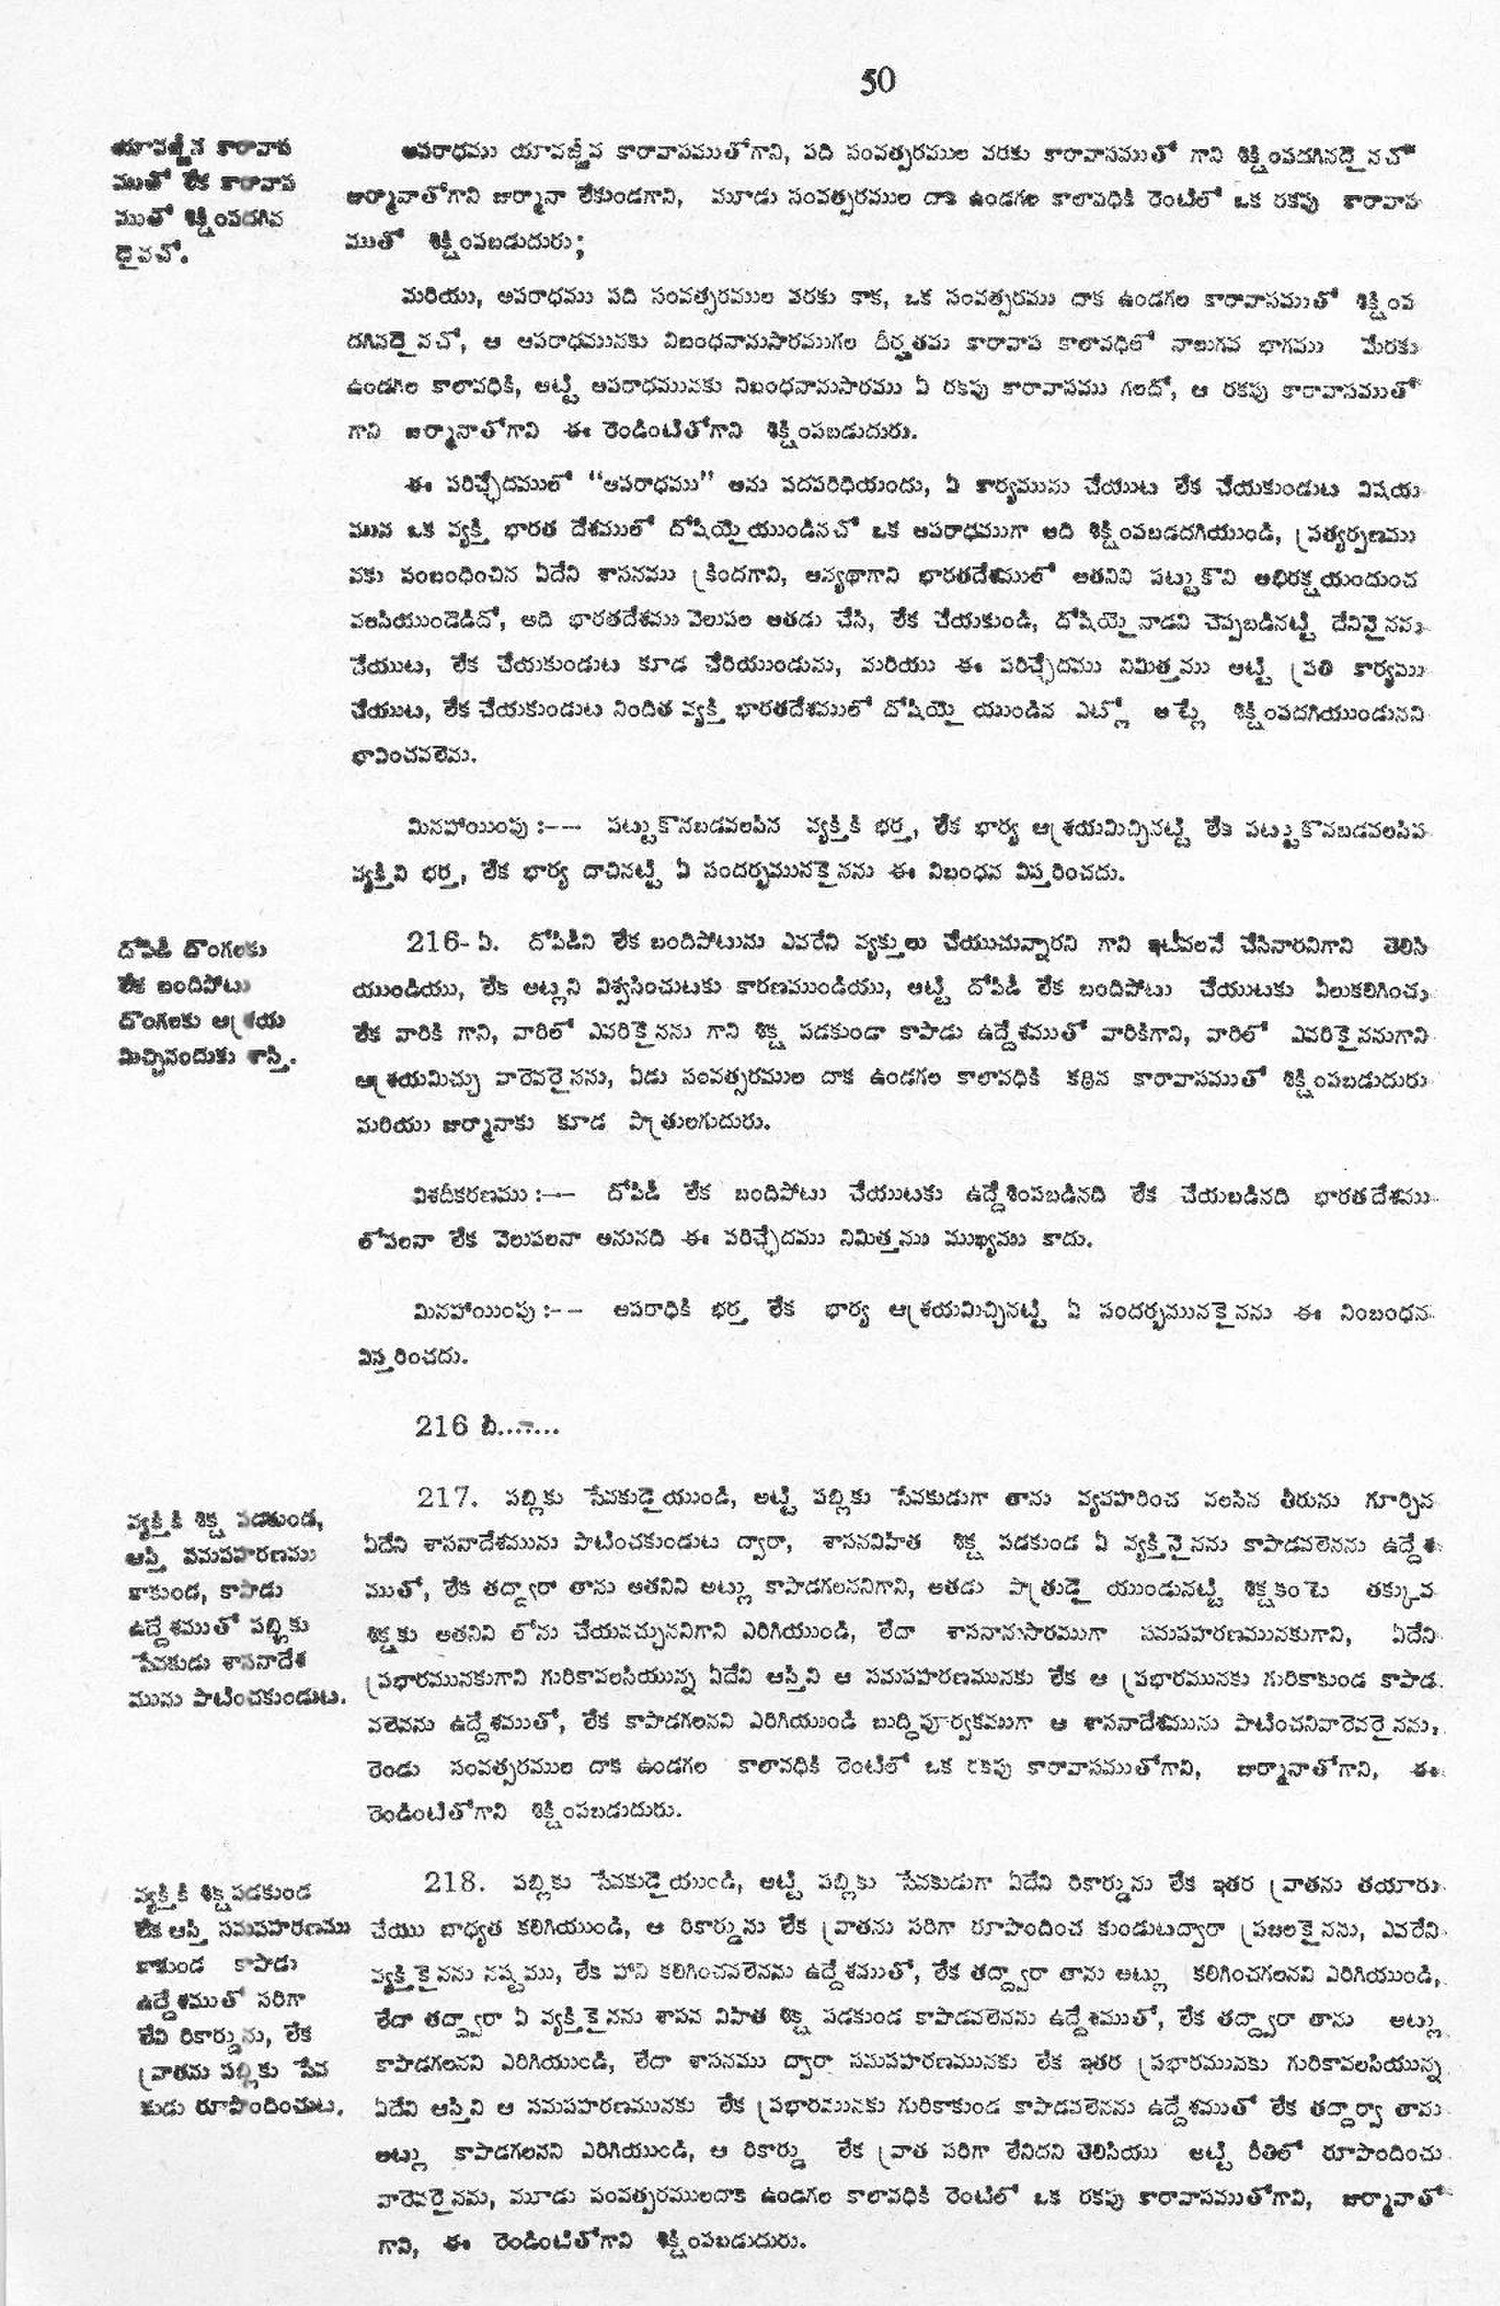యావజ్జీవ కారావాసముతో లేక కారావాసముతో శిక్షింపదగినదైనచో

అపరాధము యావజ్జీవ కారావాసముతొగాని, పది సంవత్సరముల వరకు కారావాసముతో గాని శిక్షింపదగినదైనచో జుర్మానాతోగాని జూర్మానా లేకుండగాని, మూడు సంవత్సరముల దాక ఉండగల కాలావధికి రెంటిలో ఒక రకపు కారావాసముతో శిక్షింపబడుదురు;

మరియు, అపరాధము పది సంవత్సరముల వరకు కాక, ఒక సంవత్సరము దాక ఉండగల కారావాసముతో శిక్షింపదగినదైనచో, ఆ ఆపరాధమునకు నిబంధనానుసారముగల దీర్ఘతమ కారావాస కాలావధిలో నాలుగవ భాగము మేరకు ఉండగల కాలావధికి, అట్టి ఆపరాధమునకు నిబంధనానుసారము ఏ రకపు కారావాసము గలదో, ఆ రకపు కారావాసముతో గాని జర్మానాతోగాని ఈ రెండింటితోగాని శిక్షింపబడుదురు.

ఈ పరిచ్ఛేదములో “అపరాధము" అను పదపరిధియందు, ఏ కార్యమును చేయుట లేక చేయకుండుట విషయమున ఒక వ్యక్తి భారత దేశములో దోషియై యుండినచో ఒక ఆపరాధముగా అది శిక్షింవబడదగియుండి, ప్రత్యర్పణమునకు సంబంధించిన ఏదేని శాసనము క్రిందగాని, అన్యథాగాని భారతదేశములో అతనిని పట్టుకొని అభిరక్ష యందుంచ వలసియుండెడిదో, అది భారతదేశము వెలుపల అతడు చేసి, లేక చేయకుండి, దోషియైనాడని చెప్పబడినట్టి దేనినైనను చేయుట, లేక చేయకుండుట కూడ చేరియుండును, మరియు ఈ పరిచ్ఛేదము నిమిత్తము అట్టి ప్రతి కార్యము చేయుట, లేక చేయకుండుట నిందిత వ్యక్తి భారతదేశములో దోషియై యుండిన ఎలొ అట్లే శిక్షింపదగియుండునని భావించవలెను.

మినహాయింపు :--- పట్టుకొనబడవలసిన వ్యక్తి కి భర్త, లేక భార్య ఆశ్రయమిచ్చినట్టి లేక పట్టుకొనబడవలసిన వ్యక్తిని భర్త, లేక భార్య దాచినట్టి ఏ సందర్భమునకై నను ఈ నిబంధన విస్తరించదు.

దోపిడీ దొంగలకు లేక బందిపోటు దొంగలకు ఆశ్రయమిచ్చినందుకు శాస్త్రి.

216-ఏ. దోపిడీని లేక బందిపోటును ఎవరేని వ్యక్తులు చేయుచున్నారని గాని ఇటీవలనే చేసినారనిగాని తెలిసి యుండియు, లేక అట్లని విశ్వసించుటకు కారణముండియు, అట్టి దోపిడీ లేక బందిపోటు చేయుటకు వీలుకలిగించు లేక వారికి గాని, వారిలో ఎవరికై నను గాని శిక్ష పడకుండా కాపాడు ఉద్దేశముతో వారికి గాని, వారిలో ఎవరికైననుగాని ఆశ్రయమిచ్చు వారెవరైనను, ఏడు సంవత్సరముల దాక ఉండగల కాలావధికి కఠిన కారావాసముతో శిక్షింపబడుదురు మరియు జుర్మానాకు కూడ పాత్రులగుదురు.

విశదీకరణము:--- దోపిడీ లేక బందిపోటు చేయుటకు ఉద్దేశింపబడినది లేక చేయబడినది. భారత దేశము, లోపలనా లేక వెలుపలనా అనునది ఈ పరిచ్ఛేదము నిమిత్తము ముఖ్యము కాదు.

మినహాయింపు :-- అపరాధికి భర్త లేక భార్య ఆశ్రయమిచ్చినట్టి ఏ సందర్భమున కైనను ఈ నిబంధన విస్తరించదు.

216. బీ......

వ్యక్తికి శిక్ష పడుతుండ,ఆస్తి సమపహరణము కాకుండ, కాపాడు ఉద్దేశముతో పబ్లికు సేవకుడు శాసనాదేశమును పాటించకుండుట
 

217. పబ్లికు సేవకుడై యుండి, అట్టి పబ్లికు సేవకుడుగా తాను వ్యవహరించ వలసిన తీరును గూర్చిన ఏదేని శాసనాదేశమును పాటించకుండుట ద్వారా, శాసనవిహిత శిక్ష పడకుండ ఏ వ్యక్తి నైనను కాపాడవలెనను ఉద్దేశముతో, లేక తద్వారా తాను అతనిని అట్లు కాపాడగలననిగాని, అతడు పాత్రుడై యుండునట్టి శిక్ష కంటే తక్కువ శిక్షకు అతనిని లోను చేయవచ్చుననిగాని ఎరిగియుండి, లేదా శాసనానుసారముగా సమపహరణమునకుగాని, ఏదేని ప్రభారమునకు గురికావలసియున్న ఏదేని ఆస్తిని ఆ సమపహరణమునకు లేక ఆ ప్రభారమునకు గురికాకుండ కాపాడవలెనను ఉద్దేశముతో, లేక కాపాడగలనని ఎరిగియుండి బుద్ధి పూర్వకముగా ఆ శాసనాదేశమును పాటించనివారెవరైనను, రెండు సంవత్సరముల దాక ఉండగల కాలావధికి రెంటిలో ఒక రకపు కారావాసముతోగాని, జూర్మానాతోగాని,ఈ రెండింటిలోగాని శిక్షింపబడుదురు.

వ్యక్తికి శిక్ష పడకుండ లేక ఆస్తి సమపహరణము కాకుండ కాపాడు ఉద్దేశముతో సరిగా లేని రికార్డును, లేక వ్రాతను పబ్లికు 'సేవకుడు రూపొందించుట

218. పబ్లికు సేవకుడై యుండి, అట్టి పబ్లికు సేవకుడుగా ఏదేని రికార్డును లేక ఇతర వ్రాతను తయారుచేయు బాధ్యత కలిగియుండి, ఆ రికార్డును లేక వ్రాతను సరిగా రూపొందించ కుండుట ద్వారా ప్రజలకై ను, ఎవరేని, వ్యక్తి కైనను నష్టము, లేక హాని కలిగించవలెనను ఉద్దేశముతో, లేక తద్ద్వారా తాను అట్లు కలిగించగలనని ఎరిగియుండి, లేదా తద్ద్వారా ఏ వ్యక్తి కైనను శావన విహిత శిక్ష పడకుండ కాపాడవలెనను ఉద్దేశముతో, లేక తద్వారా తాను అట్లు కాపాడగలనని ఎరిగియుండి, లేదా శాసనము ద్వారా సమపహరణమునకు లేక ఇతర ప్రభారమునకు గురికావలసియున్న ఏదేవి ఆస్తిని ఆ సమపహరణమునకు లేక ప్రభారమునకు గురికాకుండ కాపాడవలెనను ఉద్దేశముతో లేక తద్దార్వా తాను అట్లు కాపాడగలనని ఎరిగియుండి, ఆ రికార్డు లేక వ్రాత సరిగా లేనిదని తెలిసియు అట్టి రీతిలో రూపొందించు. వారెవరై నను, మూడు సంవత్సరములదాకా ఉండగల కాలావధికి రెంటిలో ఒక రకపు కారావాసముతోగానీ, జూర్మానాతో
గాని, ఈ రెండింటితొగాని శిక్షింపబడుదురు.